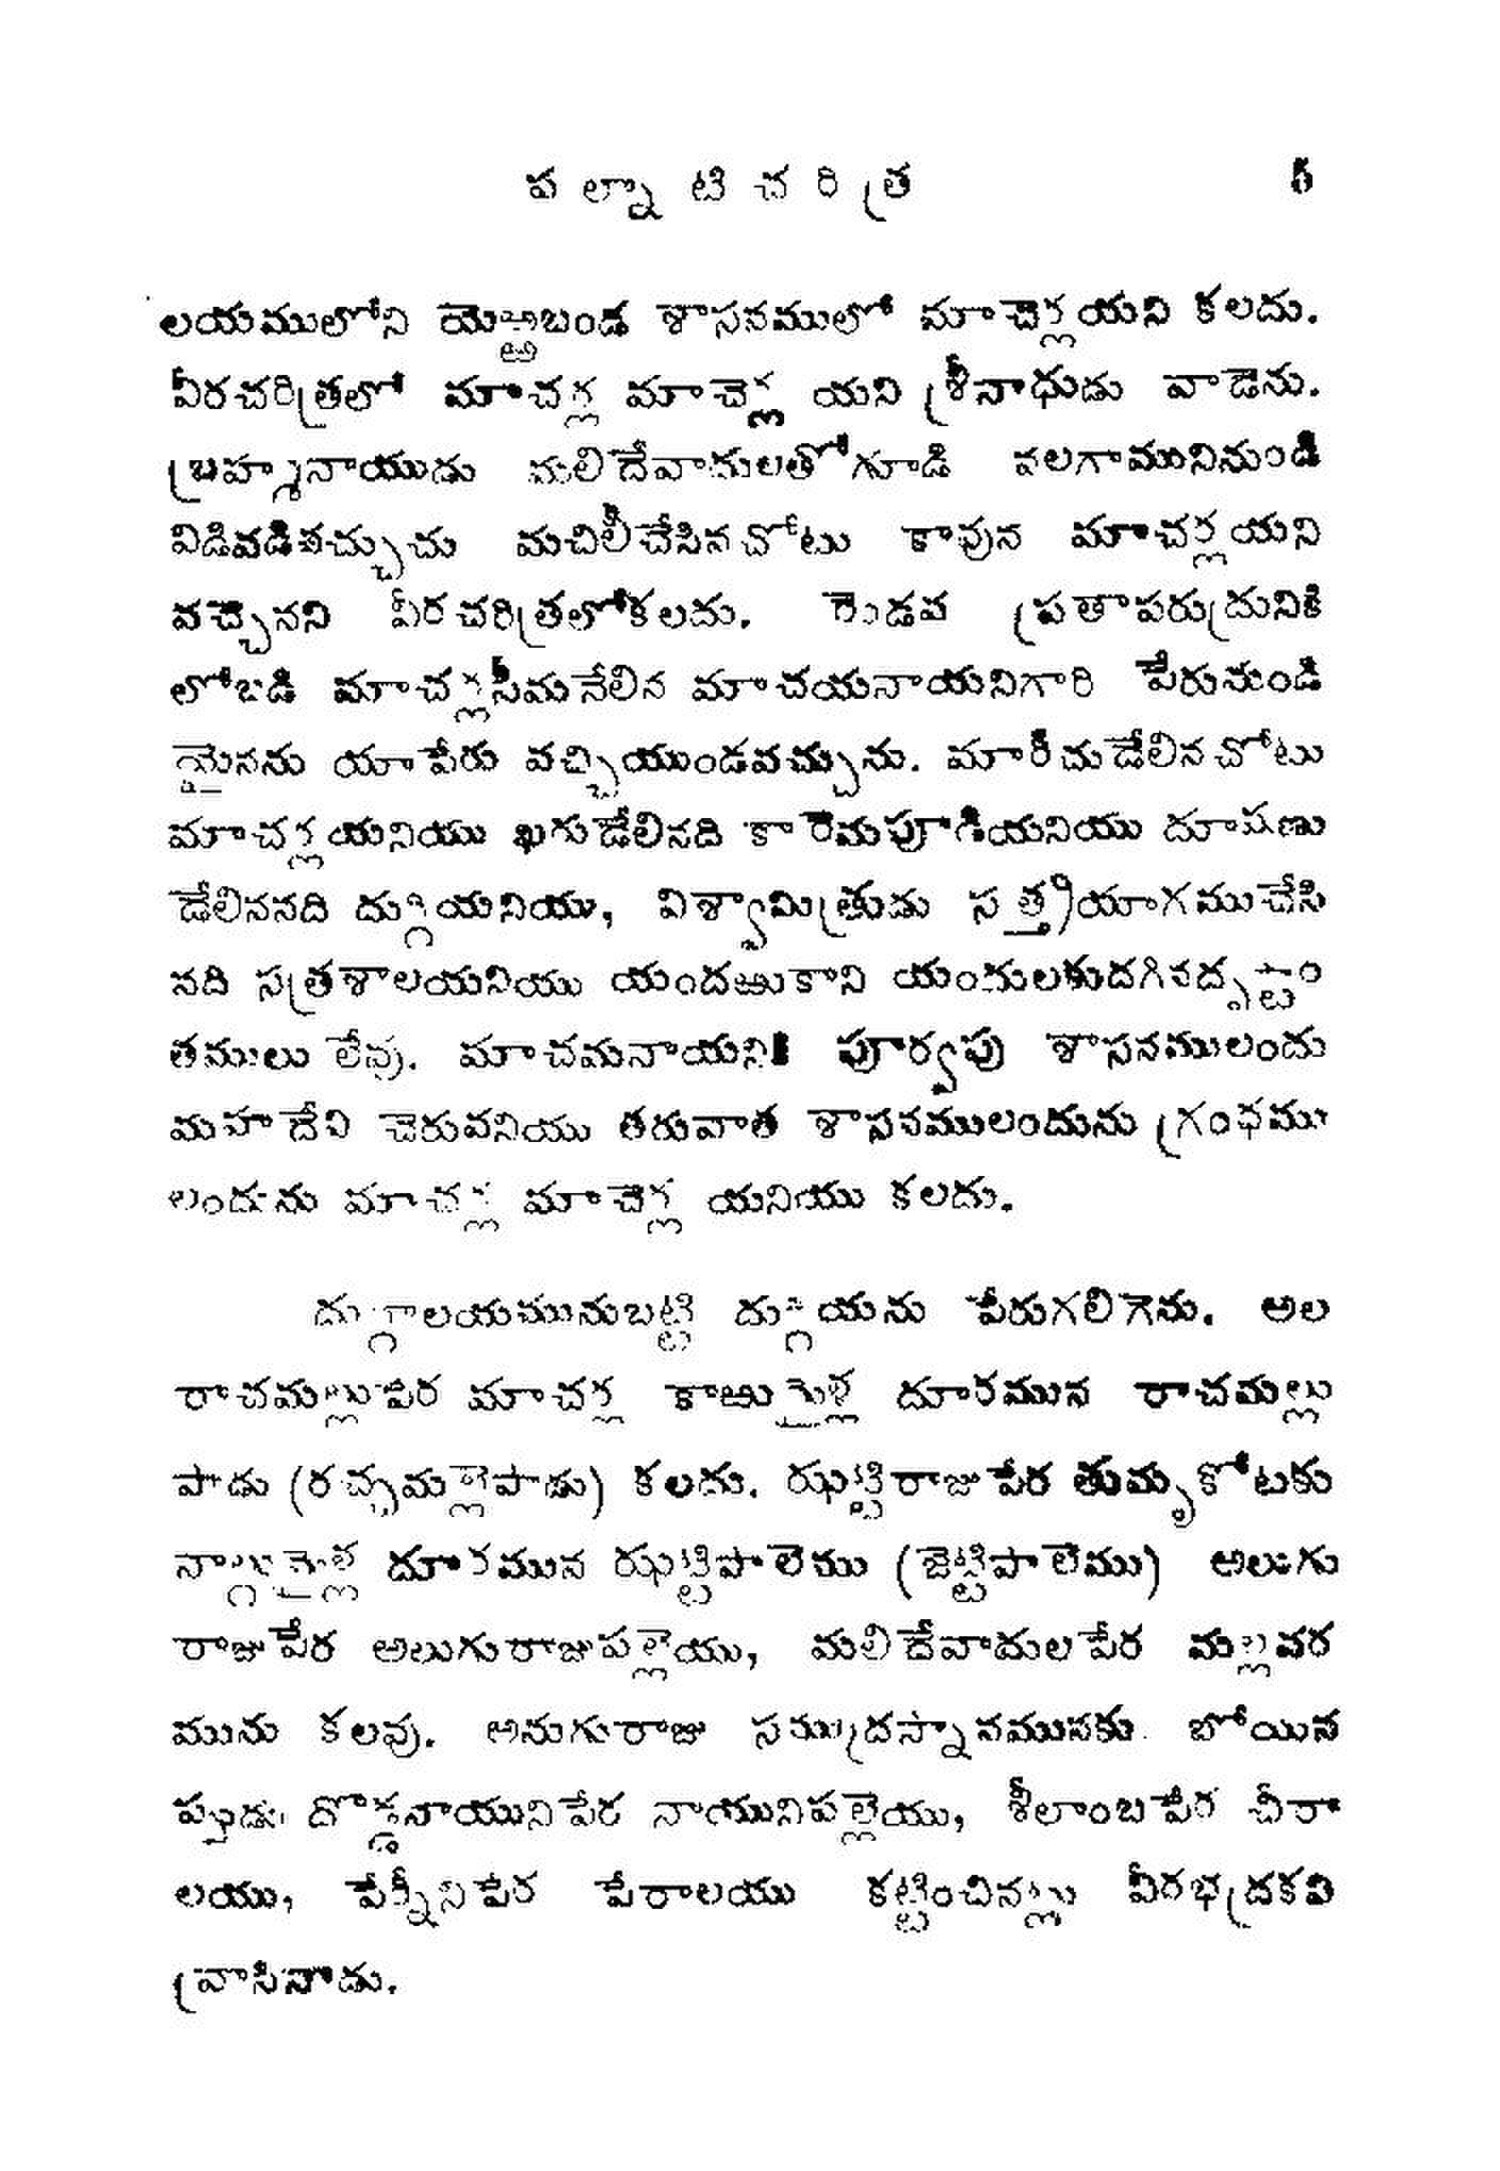లయములోని యెఱ్ఱబండ శాసనములో మాచెర్లయని కలదు.
వీరచరిత్రలో మాచర్ల మాచెర్ల యని శ్రీనాధుడు వాడెను.
బ్రహ్మనాయుడు మలిదేవాదులతో గూడి వలగామునినుండి
విడివడివచ్చుచు మజిలీచేసిన చోటు కావున మాచర్లయని
వచ్చినని వీరచరిత్రలోకలదు. రెండవ ప్రతాపరుద్రునికి
లోబడి మాచర్ల సీమనేలిన మాచయనాయనిగారి పేరునుండి
యైనను యాపేరు వచ్చియుండవచ్చును. మారీచుడేలిన చోటు
మాచర్లయనియు ఖరుడేలినది కారెమపూడియనియు దూషణు
డేలిననది దుర్గి యనియు, విశ్వామిత్రుడు సత్ప్రయాగము 
చేసినది సత్రశాలయనియు యందుఱుకాని యందులకుదగిన
దృష్టాంతములు లేవు. మాచమనాయనికి పూర్వపు శాసనములందు
మహదేవి చెరువనియు తరువాత శాసనములందును గ్రంధము
లందును మాచర్ల మాచెర్ల యనియు కలదు.

దుర్గాలయమునుబట్టి దుర్గి యను పేరుగలిగెను. అలరాచమల్లు 
పేర మాచర్ల కాఱుమైళ్ల దూరమున రాచమల్లుపాడు (రచ్చమల్లెపాడు) 
కలదు. ఝట్టిరాజు పేర తుమృకోటకు నాల్గు మైళ్ళ దూరమున 
ఝట్టిపాలెము (జెట్టిపాలెము) అలుగురాజుపేర అలుగు రాజుపల్లెయు, 
మలిదేవాదుల పేర మల్లవరమును కలవు. అనుగురాజు 
సముద్రస్నానమునకు బోయినప్పుడు దొడ్డనాయుని పేర నాయునిపల్లెయు, 
శీలాంబ పేర చీరాలయు, పేర్నీని పేర పేరాలయు కట్టించినట్లు వీరభద్రకవి
వ్రాసినాడు.